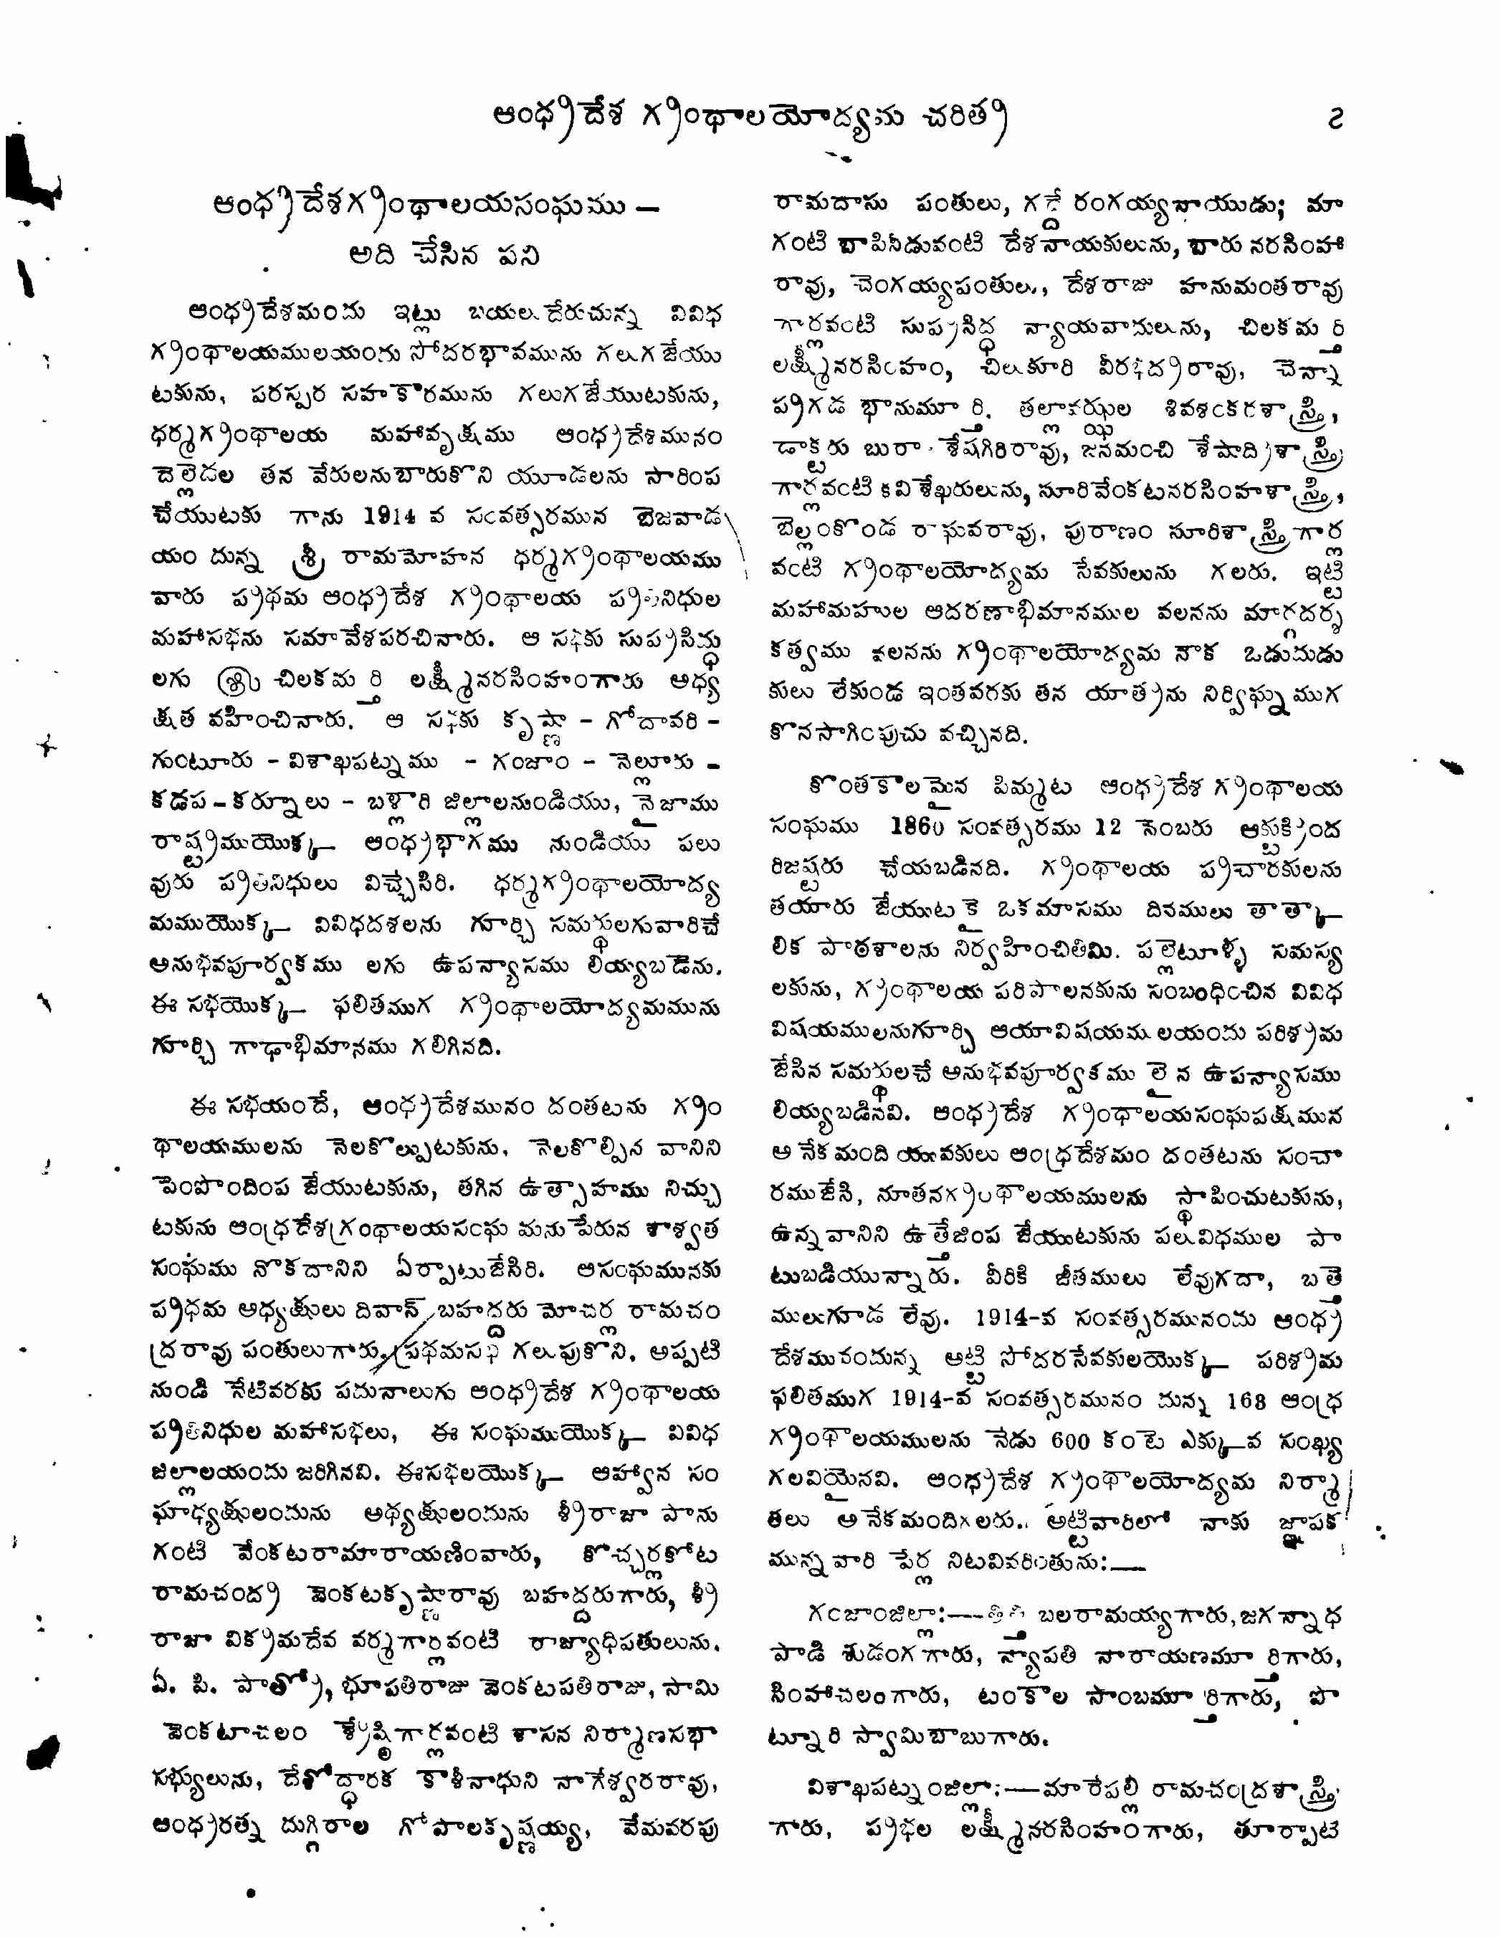ఆంధ్ర దేశమందు ఇట్లు బయలు దేరుచున్న వివిధ గ్రంథాలయములయందు సోదరభావమును గలుగజేయుటకును, పరస్పర సహకారమును గలుగ జేయుటకును, ధర్మగ్రంథాలయ మహావృక్షము ఆంధ్రదేశము నంచెల్లెడల తన వేరులను బారుకొని యూడలను సారింప చేయుటకు గాను 1914 వ సంవత్సరమున బెజవాడ యం దున్న శ్రీ రామ మోహన ధర్మగ్రంథాలయము వారు ప్రథమ 
ఆంధ్ర దేశ గ్రంథాలయ ప్రతినిధుల మహాసభను సమావేశపరచినారు. ఆసభకు సుప్రసిద్ధులగు శ్రీ చిలకమర్తి లక్ష్మీనరసింహంగారు 
అధ్యతక్షత్ర వహించినారు. ఆ సనకు కృష్ణా - గోదావరి - గుంటూరు - విశాఖపట్నము - గంజాం - నెల్లూరు - కడప - కర్నూలు - బళ్లారి జిల్లాల నుండియు, నైజాము రాష్ట్రము యొక్క ఆంధ్రభాగము నుండియు పలువురు ప్రతినిధులు విచ్చేసిరి. ధర్మగ్రంథాల
యోద్యమముయొక్క వివిధదశలను గూర్చి సమర్థులగువారిచే అనుభవ పూర్వకములగు ఉపన్యాసము లియ్యబడెను.
ఈ సభయొక్క ఫలితముగ గ్రంథాలయోద్యమమును గూర్చి గాఢాభిమానము గలిగినది.

ఈ సభయందే, ఆంధ్ర దేశమునం దంతటను గ్రంథాలయములను నెలకొల్పుటకును, నెలకొల్పిన వానిని పెంపొందింప జేయుటకును, తగిన ఉత్సాహము నిచ్చుటకును ఆంధ్రదేశ గ్రంథాలయ సంఘ మను పేరున శాశ్వత సంఘము నొకదానిని ఏర్పాటు జేసిరి. అ సంఘమునకు ప్రధమ అధ్యక్షులు దివాన్ బహద్దరు మోచర్ల రామచంద్రరావు పంతులు గారు, ప్రథమసభ గలుపుకొని, అప్పటి
నుండి నేటివరకు పదునాలుగు ఆంధ్రదేశ గ్రంథాలయ ప్రతినిధుల మహాసభలు, ఈ సంఘము యొక్క వివిధ జిల్లాలయందు జరిగినవి. ఈసభల యొక్క ఆహ్వాన సంఘాధ్యక్షులందును అధ్యక్షులందును శ్రీరాజా పానుగంటి వేంకటరామారాయణింవారు, కొచ్చర్లకోట
రామచంద్ర వెంకటకృష్ణారావు బహద్దరు గారు, శ్రీ బహద్దరుగారు, రాజా విక్రమదేవ వర్మగార్లవంటి రాజ్యాధిపతులును, ఏ.పి.పాత్రో, భూపతిరాజు వెంకటపతిరాజు, సామి వెంకటాచలం శ్రేష్ఠిగార్లవంటి శాసన నిర్మాణసభాసభ్యులును, దేశోద్ధారక కాశీనాధుని నాగేశ్వరరావు,
ఆంధ్రరత్న దుగ్గిరాల గోపాలకృష్ణయ్య, వేమవరపు రామదాసు పంతులు, గద్దే రంగయ్యనాయుడు; మాగంటి బాపినీడువంటి దేశనాయకులును, బారు నరసింహారావు, చెంగయ్య పంతులు, దేశరాజు హనుమంత రావు గార్లవంటి సుప్రసిద్ద న్యాయవాదులును, చిలకమ లక్ష్మీనరసింహం, చిలుకూరి వీర ద్రరావు, చెన్నాప్రగడ భానుమూర్తి, తల్లావఝుల శివశంకరశాస్త్రి, డాక్టరు బురా . శేషగిరిరావు, జనమంచి శేషాది శాస్త్రి గార్ల వంటి కవి శేఖరులును, సూరి వేంకటనరసింహశాస్త్రి, బెల్లంకొండ రాఘవరావు, పురాణం సూరిశాస్త్రి గార్ల 
వంటి గ్రంథాలయోద్యమ సేవకులును గలరు. ఇట్టి మహామహుల ఆదరణాభిమానముల వలనను మార్గదర్శకత్వము వలనను గ్రంథాలయోద్యమ నౌక ఒడుదుడుకులు లేకుండ ఇంతవరకు తన యాత్రను నిర్విఘ్నముగ కొనసాగింపుచు వచ్చినది.

కొంతకాలమైన పిమ్మట ఆంధ్రదేశ గ్రంథాలయ సంఘము 1860 సంవత్సరము 12 నెంబరు ఆక్టుకింద చేయబడినది. గ్రంథాలయ ప్రచారకులను తయారు జేయుట కె ఒకమాసము దినములు తాత్కాలిక పాఠశాలను నిర్వహించితిమి. పల్లెటూళ్ళ సమస్యలకును, గ్రంథాలయ పరిపాలనకును సంబంధించిన వివిధ విషయములనుగూర్చి ఆయావిషయములయందు పరిశ్రమజేసిన సమర్థులచే అనుభవపూర్వకములైన ఉపన్యాసము లియ్యబడినవి. ఆంధ్రదేశ గ్రంధాలయ సంఘపక్షమున ఆనేక మంది యువకులు ఆంధ్రదేశ
మందంతటను సంచారముజేసి, నూతనగ్రంథాలయములను స్థాపించుటకును, ఉన్నవానిని ఉ తేజింప జేయుటకును పలువిధముల 
పాటుబడియున్నారు. వీరికి జీతములు లేవుగదా, బత్తెములు గూడ లేవు. 1914 వ సంవత్సరమునందు ఆంధ్ర దేశమునందున్న అట్టి సోదర సేవకుల యొక్క పరిశ్రమ ఫలితముగ 1914-వ సంవత్సరమునందున్న 168 ఆంధ్ర గ్రంథాలయములను నేడు 600 కంటే 
ఎక్కువ సంఖ్య గలవియైనవి. ఆంధ్రదేశ గ్రంథాలయోద్యమ నిర్మాతలు అనేకమందిగలరు. అట్టివారిలో నాకు ఙ్ఞాపక మున్న వారి పేర్ల నిటవివరింతును:-

గఁజాంజిల్లా:---త్తికి బలరామయ్య గారు, జగన్నాధ పాడి శుడంగ గారు, వ్యాపతి నారాయణమూర్తి గారు, సింహాచలం గారు, 
టంకాల సాంబమూర్తి గారు, పొట్నూరి స్వామిబాబుగారు.

విశాఖపట్నంజిల్లా; మారేపల్లి రామచంద్రశాస్త్రి గారు, ప్రభల లక్ష్మీనరసింహంగారు, తూర్పాటి